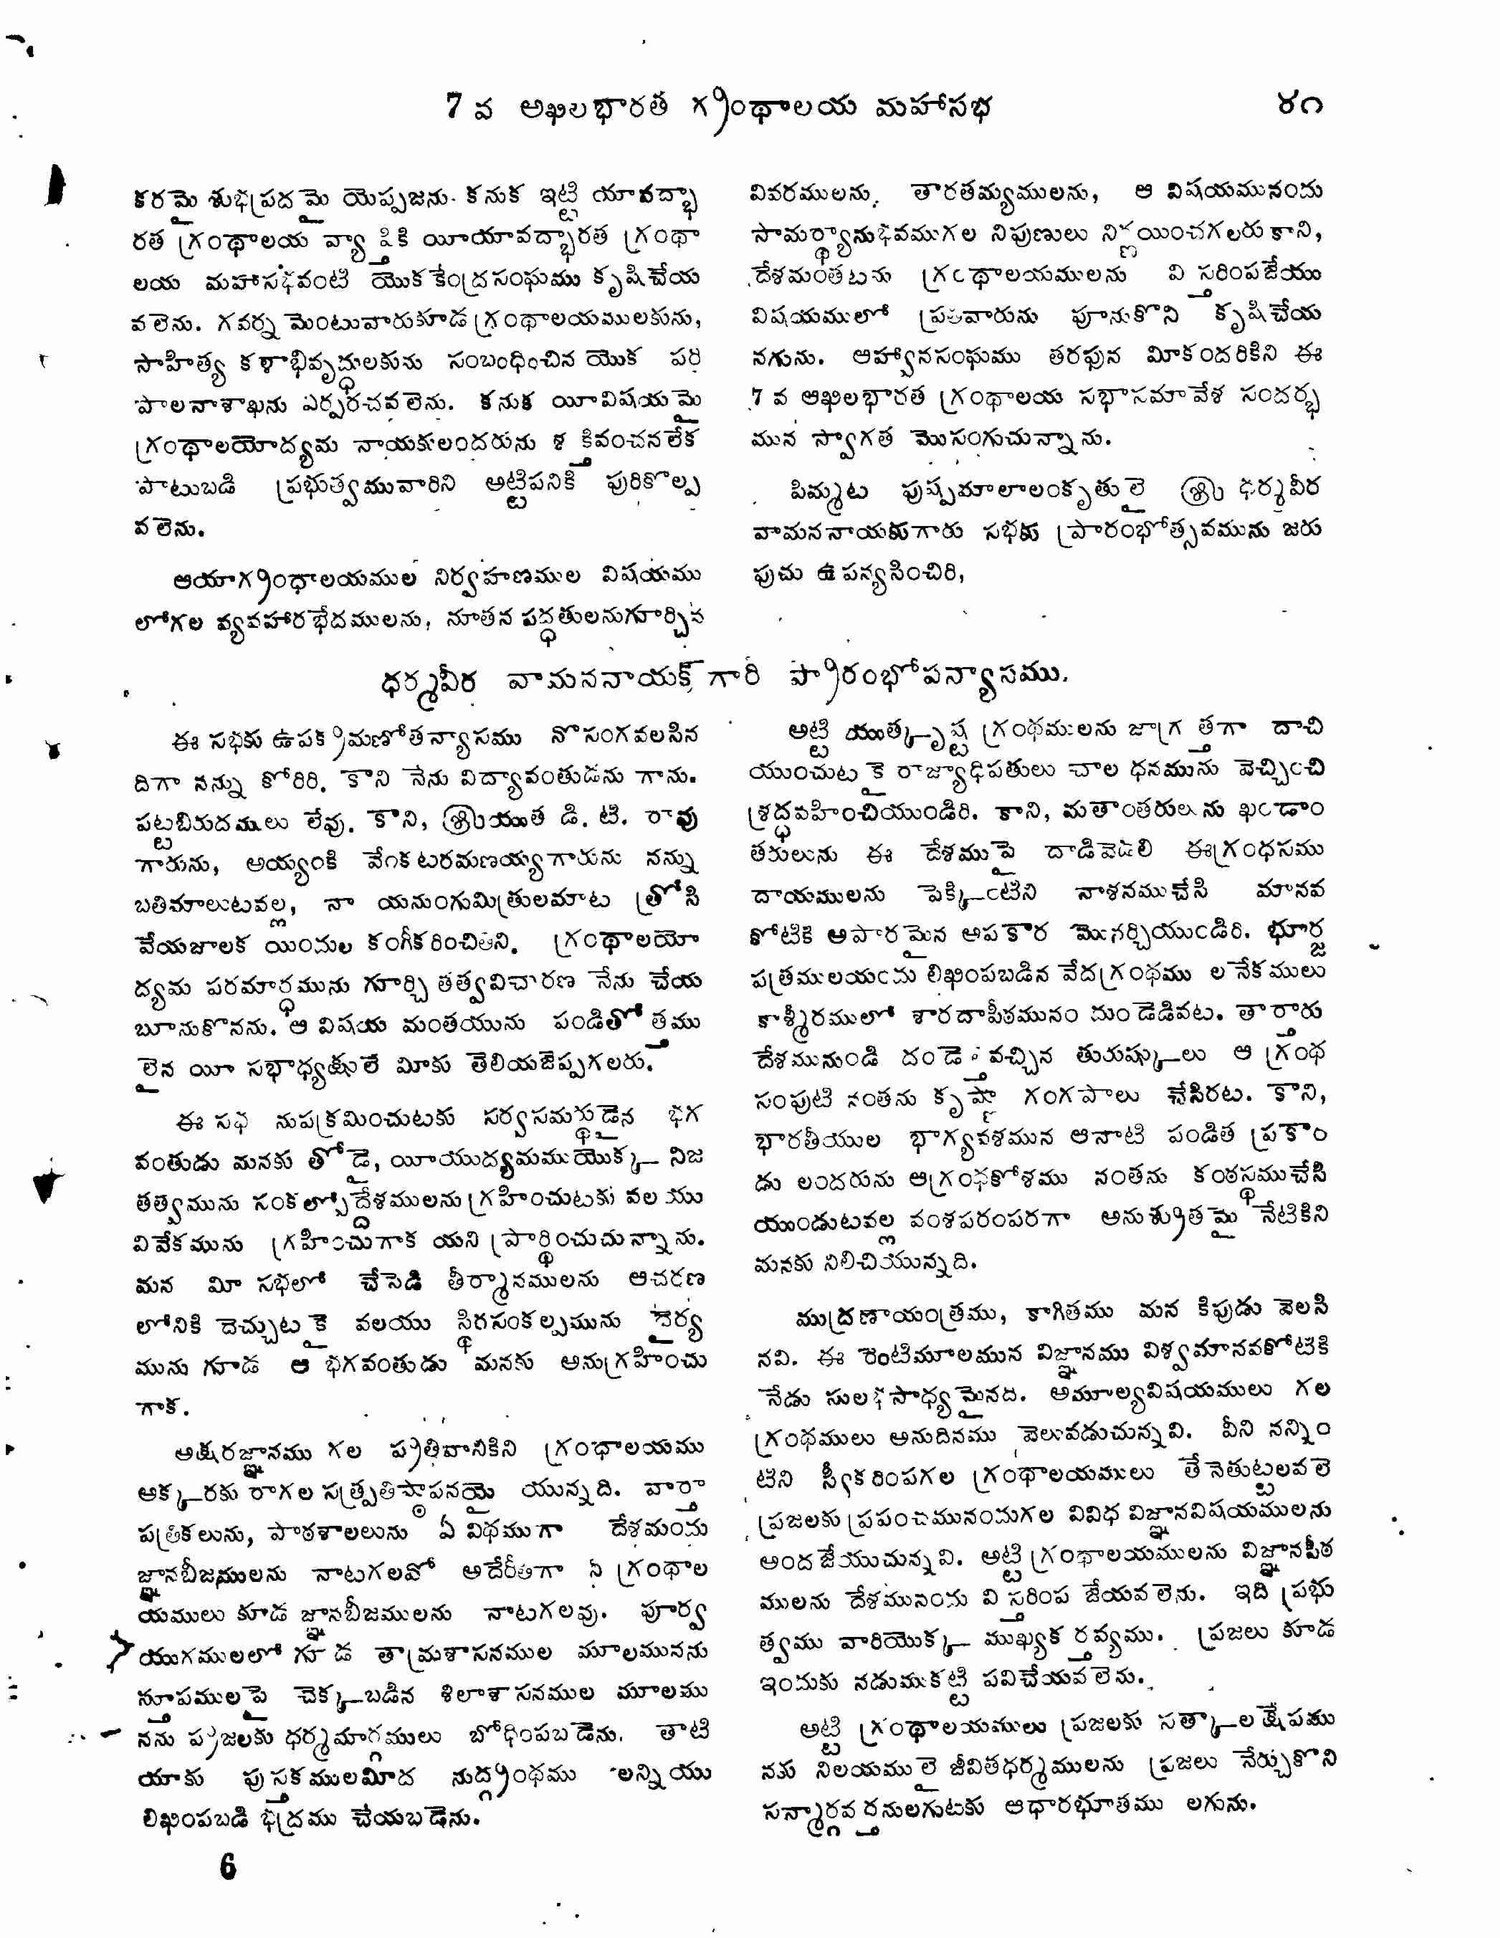కరమై శుభప్రదమై యెప్పజను. కనుక ఇట్టి యావద్భారత గ్రంథాలయ వ్యాప్తికి యీయావద్భారత గ్రంథాలయ మహాసభవంటి యొక 
కేంద్ర సంఘము కృషిచేయవలెను. గవర్న మెంటువారుకూడ గ్రంథాలయములకును, సాహిత్య కళాభివృద్దులకును సంబంధించిన 
యొక పరిపాలనాశాఖను ఏర్పరచవలెను. కనుక యీవిషయమై గ్రంథాలయోద్యమ నాయకులందరును శక్తివంచనలేక 'పాటుబడి ప్రభుత్వమువారిని అట్టిపనికి పురికొల్పవలెను.

అయాగ్రంధాలయముల నిర్వహణముల విషయములోగల వ్యవహారభేదములను, నూతన పద్ధతులనుగూర్చిన వివరములను, తారతమ్యములను, ఆ విషయమునందు సామర్థ్యానుభవముగల నిపుణులు నిర్ణయించగలరు కాని, దేశమంతటను గ్రంథాలయములను 
విస్తసరింపజేయు విషయములో ప్రతివారును పూనుకొని కృషి చేయనగును. ఆహ్వాన సంఘము తరఫున మీకందరికిని ఈ 7 వ ఆఖిలభారత గ్రంథాలయ సభాసమావేశ సందర్భమున స్వాగత మొసంగుచున్నాను.

పిమ్మట పుష్పమాలాలంకృతులై శ్రీ ధర్మవీర వామన నాయకుగారు సభకు ప్రారంభోత్సవమును జరుపుచు ఉపన్యసించిరి,

ఈ సభకు ఉపక్రమణోతన్యాసము నొసంగవలసినదిగా నన్ను కోరిరి. కాని నేను విద్యావంతుడను గాను. పట్టబిరుదములు లేవు. కాని, ఆయుత డి.టి.రావు గారును, అయ్యంకి వేంకటరమణయ్య గారును నన్ను బతిమాలుటవల్ల, నా యనుంగుమిత్రులమాట త్రోసి
వేయజాలక యిందుల కంగీకరించితిని. గ్రంథాలయోద్యమ పరమార్గమును గూర్చి తత్వవిచారణ నేను చేయబూనుకొనను. ఆ 
విషయమంతయును పండితోత్తములైన యి సభాధ్యక్షులే మీకు తెలియజెప్పగలరు.

ఈ సభ నుపక్రమించుటకు సర్వసమర్థుడైన భగవంతుడు మనకు తోడై, యీ యుద్యమము యొక్క నిజతత్వమును 
సంకల్చోద్దేశములను గ్రహించుటకు వలయు వివేకమును గ్రహించుగాక యని ప్రార్థించుచున్నాను. మన మీ సభలో చేసెడి తీర్మానములను ఆచరణ లోనికి దెచ్చుటకై వలయు స్థిర సంకల్పమును ధైర్యమును గూడ ఆ భగవంతుడు మనకు అనుగ్రహించు
గాక.

అక్షరజ్ఞానము గల ప్రతివానికిని గ్రంధాలయము అక్కరకు రాగల సత్ప్రతిష్ఠాపనయై యున్నది. వార్తాపత్రికలును, పాఠశాలలును ఏ విధముగా దేశమందు జ్ఞాన బీజములను నాటగలవో అదేరీతిగా నీ గ్రంథాలయములు కూడ జాసబీజములను నాటగలవు. పూర్వ
యుగములలో గూడ తామ్రశాసనముల మూలమునను, స్తూపములపై చెక్కబడిన శిలాశాసనముల మూలమునను ప్రజలకు ధర్మమార్గములు బోధింపబడెను. తాటియాకు పుస్తకములమీద నుద్గ్రంధము లన్నియు లిఖింపబడి భద్రము చేయబడెను.

అట్టి యత్కృష్ట గ్రంథములను జాగ్రత్తగా దాచి యుంచుటకై రాజ్యాధిపతులు చాల ధనమును వెచ్చించి శ్రద్ధవహించియుండిరి. కాని, మతాంతరులను ఖండాంతరులును ఈ దేశముపై దాడి వెడలి ఈగ్రంధ సముదాయములను పెక్కింటిని నాశనము చేసి మానవకోటికి అపారమైన అపకార మొనర్చియుండిరి. భూరపత్రములయందు లిఖింపబడిన వేద గ్రంథము లనేకములు కాశ్మీరములో శారదాపీఠము
నందుండెడివట. తర్తారు దేశమునుండి దండెంతి వచ్చిన తురుష్కులు ఆ గ్రంథసంపుటి సంతను కృష్ణా గంగపాలు చేసిరట. కాని,
భారతీయుల భాగ్యవశమున ఆనాటి పండిత ప్రకాండు లందరును ఆగ్రంధకోశము నంతను కంఠస్తము చేసి యుండుటవల్ల వంశపరంపరగా అనుశ్రుతమై నేటికిని మనకు నిలిచియున్నది.

ముద్రణాయంత్రము, కాగితము మనకిపుడు వెలసినవి. ఈ రెంటిమూలమున విజ్ఞానము విశ్వమానవకోటికి నేడు సులభ సాధ్యమైనది. అమూల్యవిషయములు గల గ్రంధములు అనుదినము వెలువడుచున్నవి. వీని నన్నింటిని స్వీకరింపగల గ్రంథాలయములు తేనెతుట్ట
లవలె ప్రజలకు ప్రపంచమునందుగల వివిధ విజ్ఞాన విషయములను అంద జేయుచున్నవి. అట్టి గ్రంథాలయములను విజ్ఞాన 
పీఠములను దేశమునందు విసరింప జేయవలెను. ఇది ప్రభుత్వము వారియొక్క ముఖ్యకర్తవ్యము. ప్రజలు కూడ ఇందుకు నడుముకట్టి పనిచేయవలెను.

అట్టి గ్రంథాలయములు ప్రజలకు సత్కాలక్షేపమునకు నిలయములై జీవితధర్మములను ప్రజలు నేర్చుకొని సన్మార్గవర్తనులగుటకు ఆధారభూతము లగును.